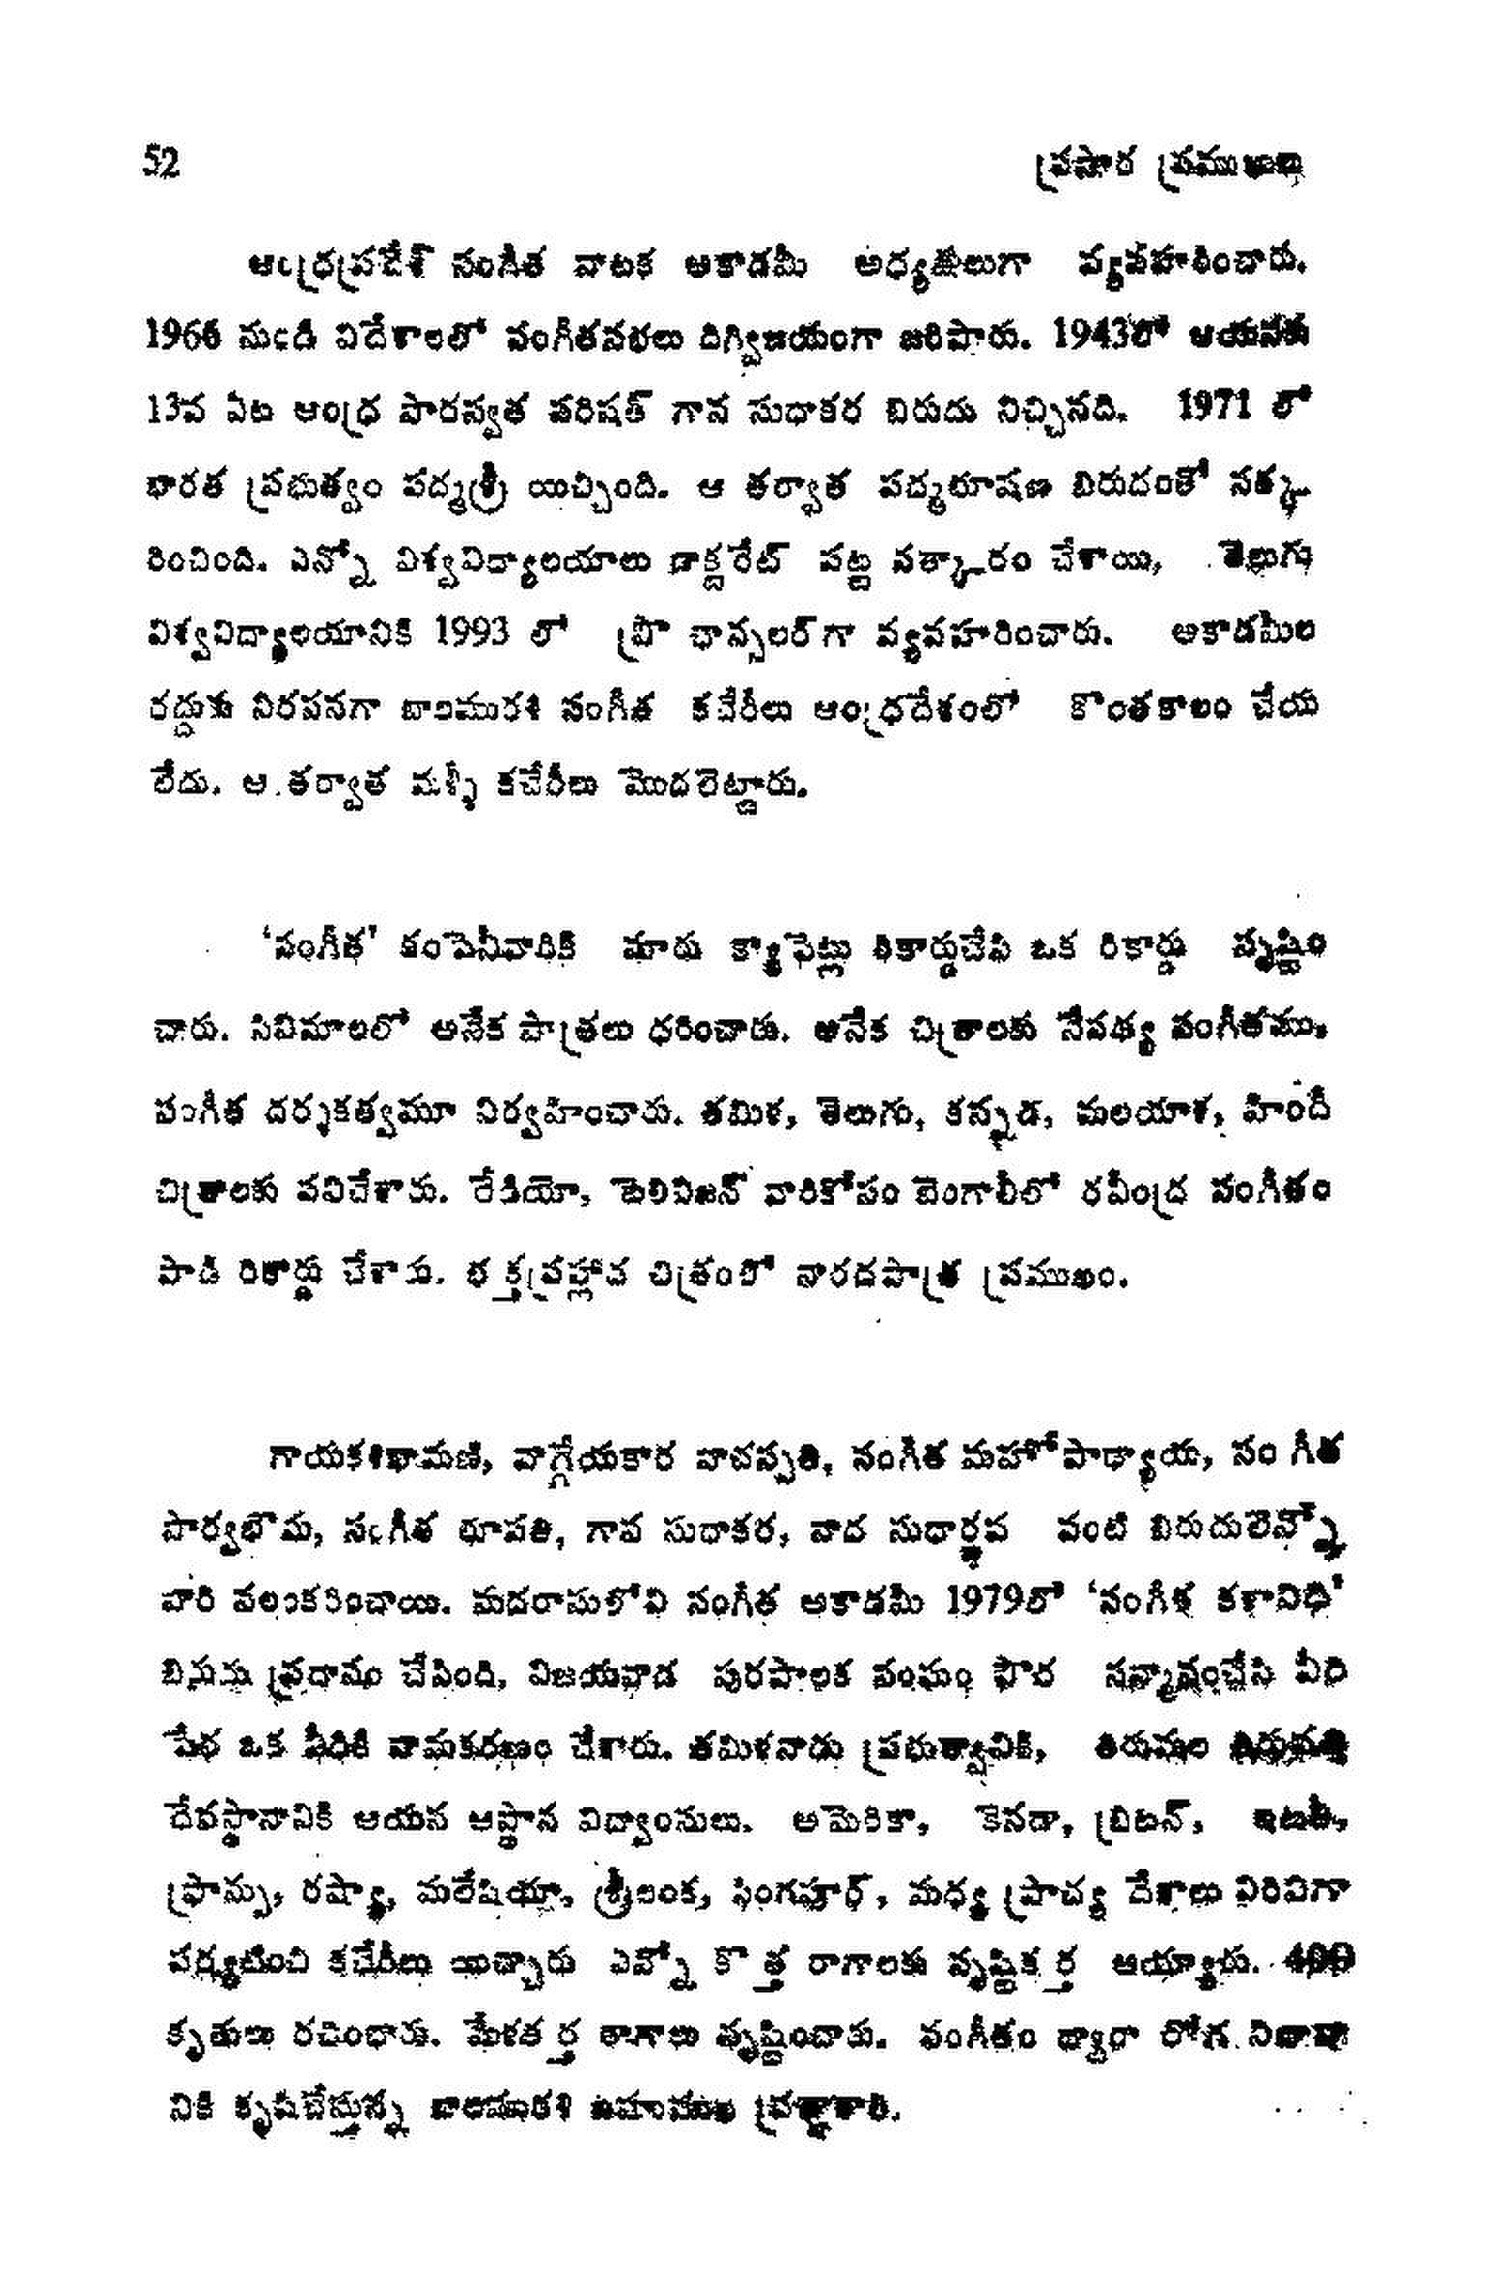ఆంధ్రప్రదేశ్ సంగీత నాటక అకాడమీ అధ్యక్షులుగా వ్యవహరించారు. 1966 నుండి విదేశాలలో సంగీతసభలు దిగ్విజయంగా జరిపారు. 1943లో ఆయనకు 13వ ఏట ఆంధ్ర సారస్వత పరిషత్ గాన సుధాకర బిరుదు నిచ్చినది. 1971లో భారత ప్రభుత్వం పద్మశ్రీ యిచ్చింది. ఆ తర్వాత పద్మభూషణ బిరుదంతో సత్కరించింది. ఎన్నో విశ్వవిద్యాలయాలు డాక్టరేట్ పట్ట సత్కారం చేశాయి, తెలుగు విశ్వవిద్యాలయానికి 1993లో ప్రో ఛాన్సలర్ గా వ్యవహరించారు. అకాడమీల రద్దుకు నిరసనగా బాలమురళి సంగీత కచేరీలు ఆంధ్రదేశంలో కొంతకాలం చేయలేదు. ఆ తర్వాత మళ్ళీ కచేరీలు మొదలెట్టారు.

'సంగీత' కంపెనీవారికి నూరు క్యాసెట్లు రికార్డుచేసి ఒక రికార్డు సృష్టించారు. సినిమాలలో అనేక పాత్రలు ధరించారు. అనేక చిత్రాలకు నేపథ్య సంగీతము, సంగీత దర్శకత్వమూ నిర్వహించారు. తమిళ, తెలుగు, కన్నడ, మలయాళ, హిందీ చిత్రాలకు పనిచేశారు. రేడియో, టెలివిజన్ వారికోసం బెంగాలీలో రవీంద్ర సంగీతం పాడి రికార్డు చేశారు. భక్తప్రహ్లాద చిత్రంలో నారదపాత్ర ప్రముఖం.

గాయకశిఖామణి, వాగ్గేయకార వాచస్పతి, సంగీత మహోపాధ్యాయ, సంగీత సార్వభౌమ, సంగీత భూపతి, గాన సుధాకర, నాద సుధార్ణవ వంటి బిరుదులెన్నో వారి నలంకరించాయి. మదరాసులోని సంగీత అకాడమీ 1979లో 'సంగీత కళానిధి' బిరుదు ప్రధానం చేసింది. విజయవాడ పురపాలక సంఘం పౌర సన్మానంచేసి వీరి పేర ఒక వీధికి నామకరణం చేశారు. తమిళనాడు ప్రభుత్వానికి, తిరుమల తిరుపతి దేవస్థానానికి ఆయన ఆస్థాన విద్వాంసులు. అమెరికా, కెనడా, బ్రిటన్, ఇటలీ, ఫ్రాన్సు, రష్యా, మలేషియా, శ్రీలంక, సింగపూర్, మధ్య ప్రాచ్య దేశాలు విరివిగా పర్యటించి కచేరీలు యిచ్చారు. ఎన్నో కొత్త రాగాలకు సృష్టికర్త అయ్యారు. 400 కృతులు రచించారు. మేళకర్త రాగాలు సృష్టించారు. సంగీతం ద్వారా రోగ నివారనికి కృషిచేస్తున్న బాలమురళి బహుముఖ ప్రజ్ఞాశాలి.